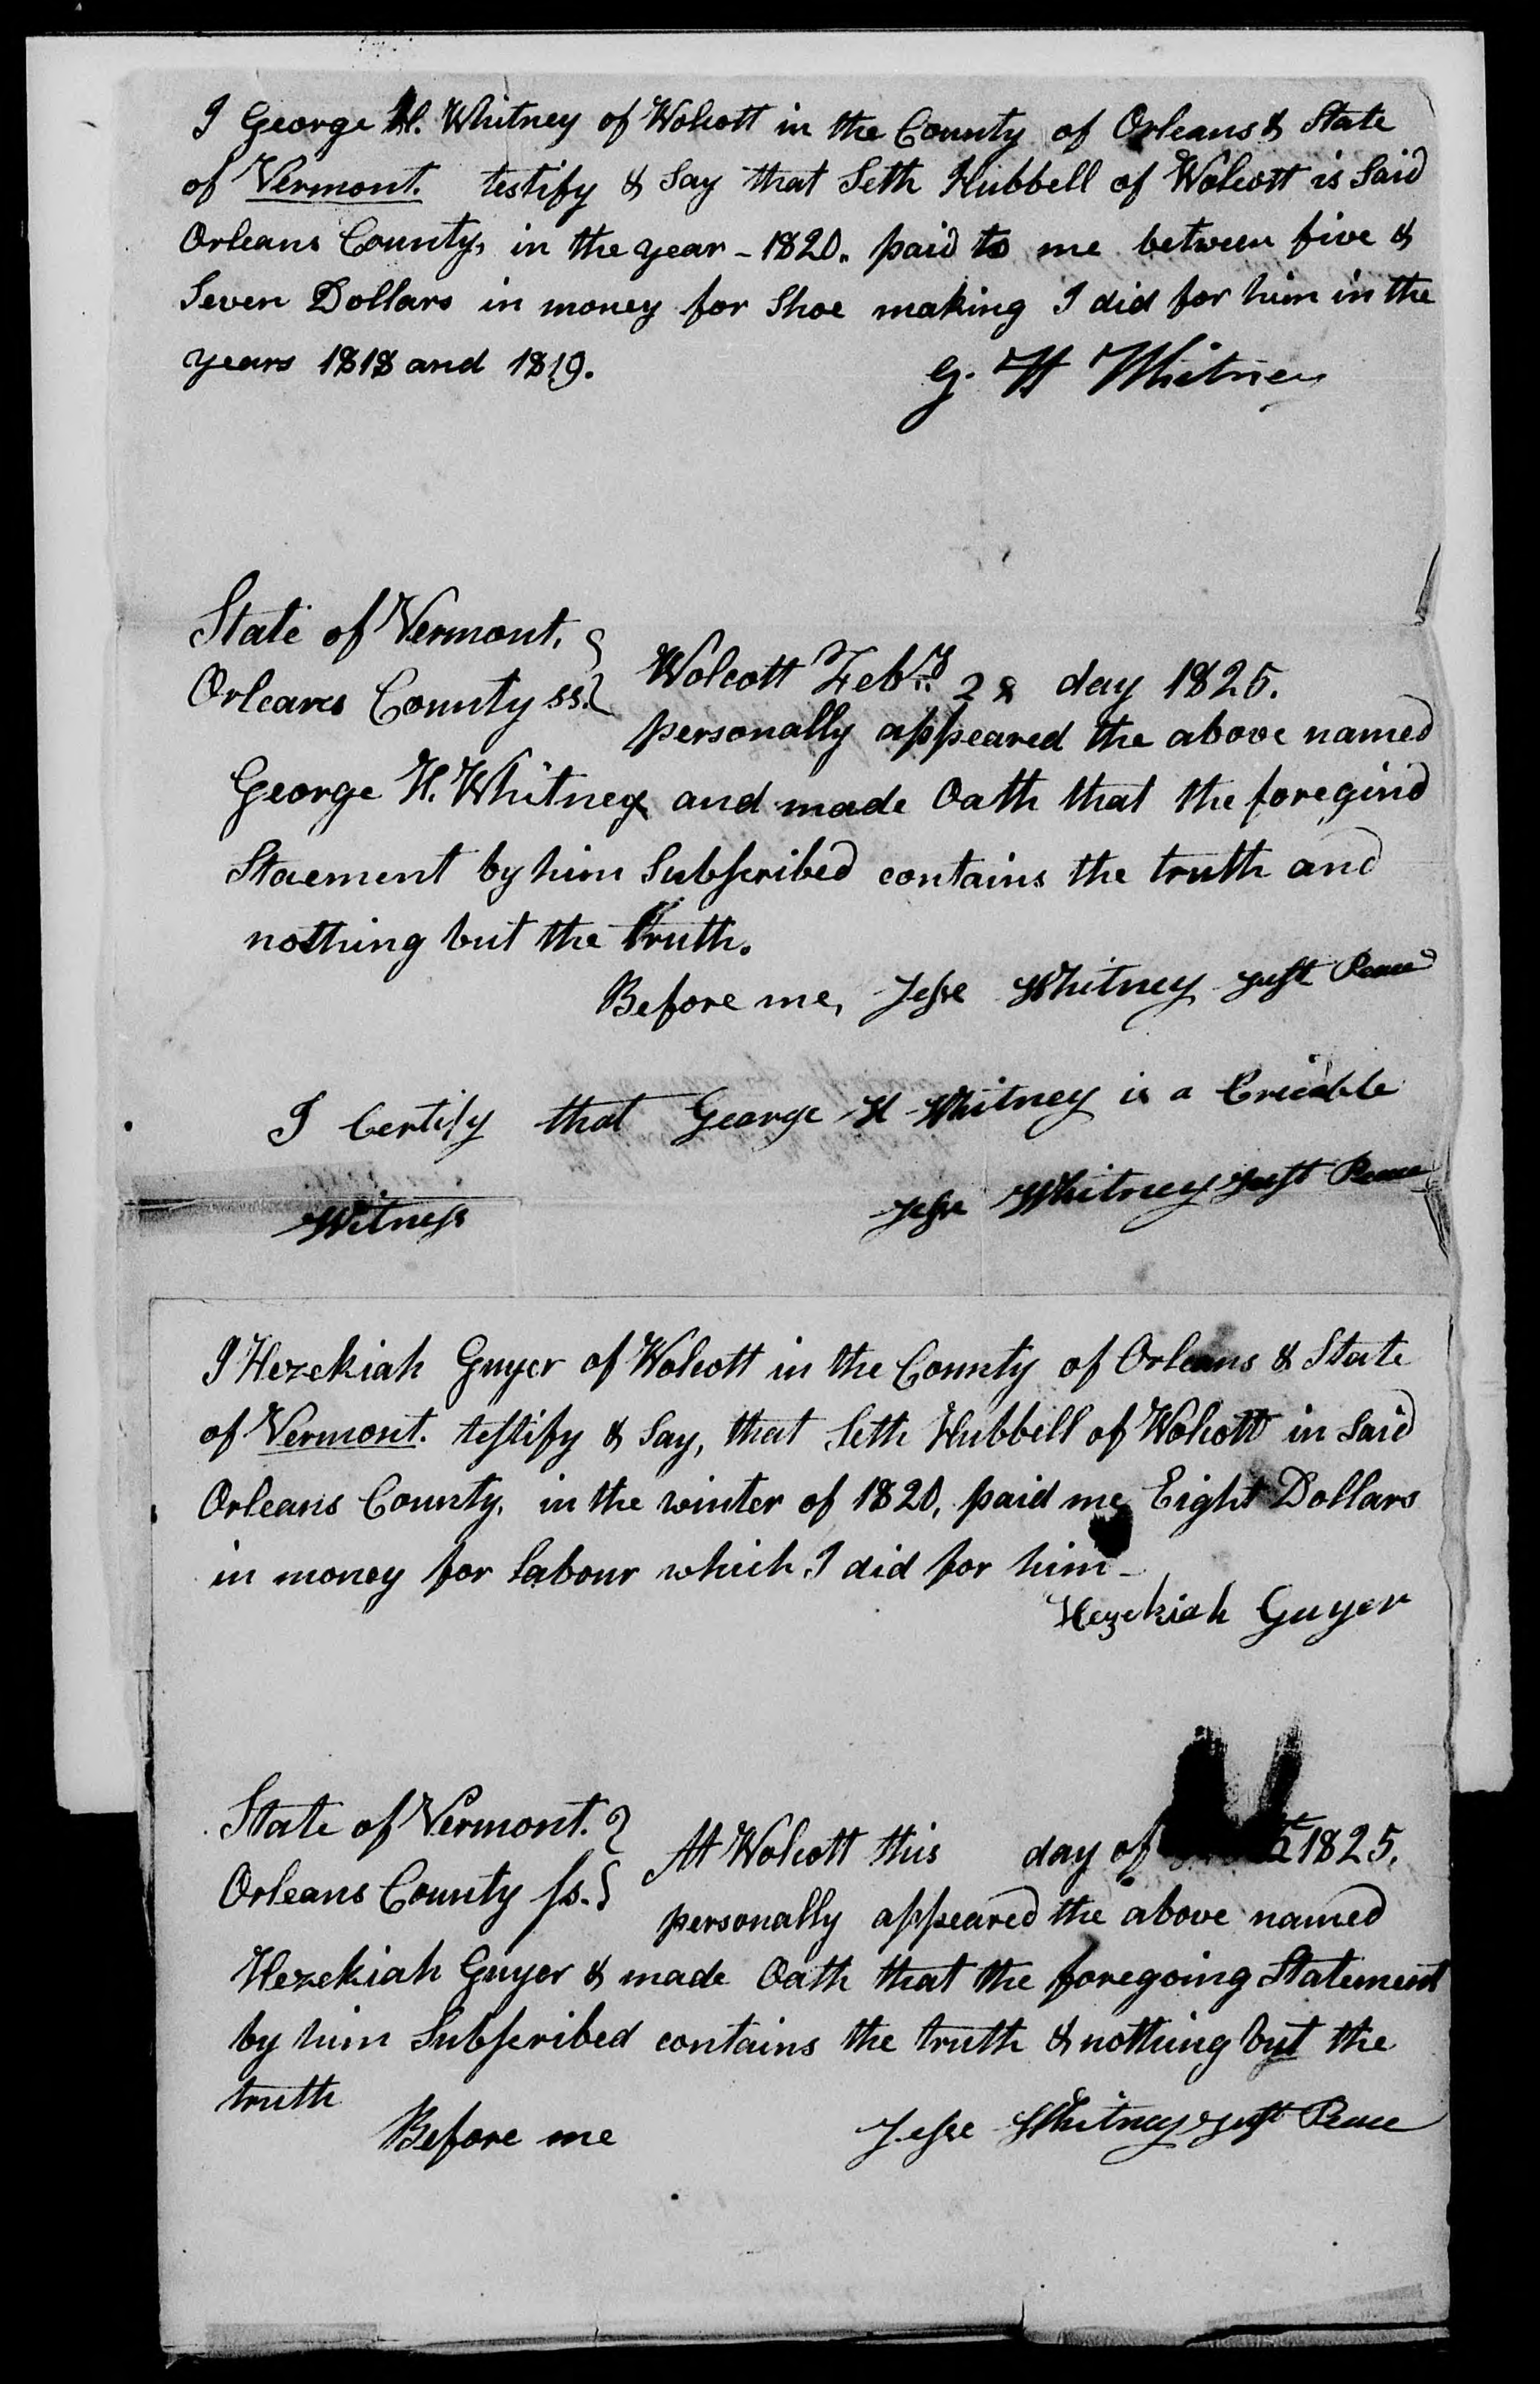I George H. Whitney of Holott in the County of Orleans & State of Vermont. Testify to say that Seth Hubbell of Walestt is paid Orleans County, in the year - 1820. Paid to me between five of Seven Dollars in money for shoe making I did for him in the years 1818 and 1819.
g. H Whitney

State of Vermont. Orleans County

Holeott Feb..y 28 days 1826. Personally appeared the above named George H. Whitney and [I] made Oath that the foregoing Procurement by him subscribed contains the truth and nothing but the truth.

Before me, Jesse Whitney, Whitney Jesse, Just Peace

I testify that George - H - Whitney is a credible witness

H Whitney [Unintelligible

I Hezekiah Guyer of Holiott in the County of Orleans @ State of Vermont. testify to say, that Seth Hubbell of Waliott in said Orleans County, in the winter of 1820, paid my Eight Dollars in money for Labour which I did for him - Hezekiah Guyer

State of Vermont Orleans County Fs.

H Holeott this day of [Unintelligible] 1825, personally appeared the above named Hezekiah Guyer & made oath that the foregoing Statement by him subscribed contains the truth and nothing but the truth.
Before me

H Whitney [Unintelligible] Bruce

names: Hezekiah Guyer, Seth Hubbell, George H Whitney, Jesse Whitney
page: 100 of 114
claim: widow's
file: W. 2115, Seth Hubbell, Conn.